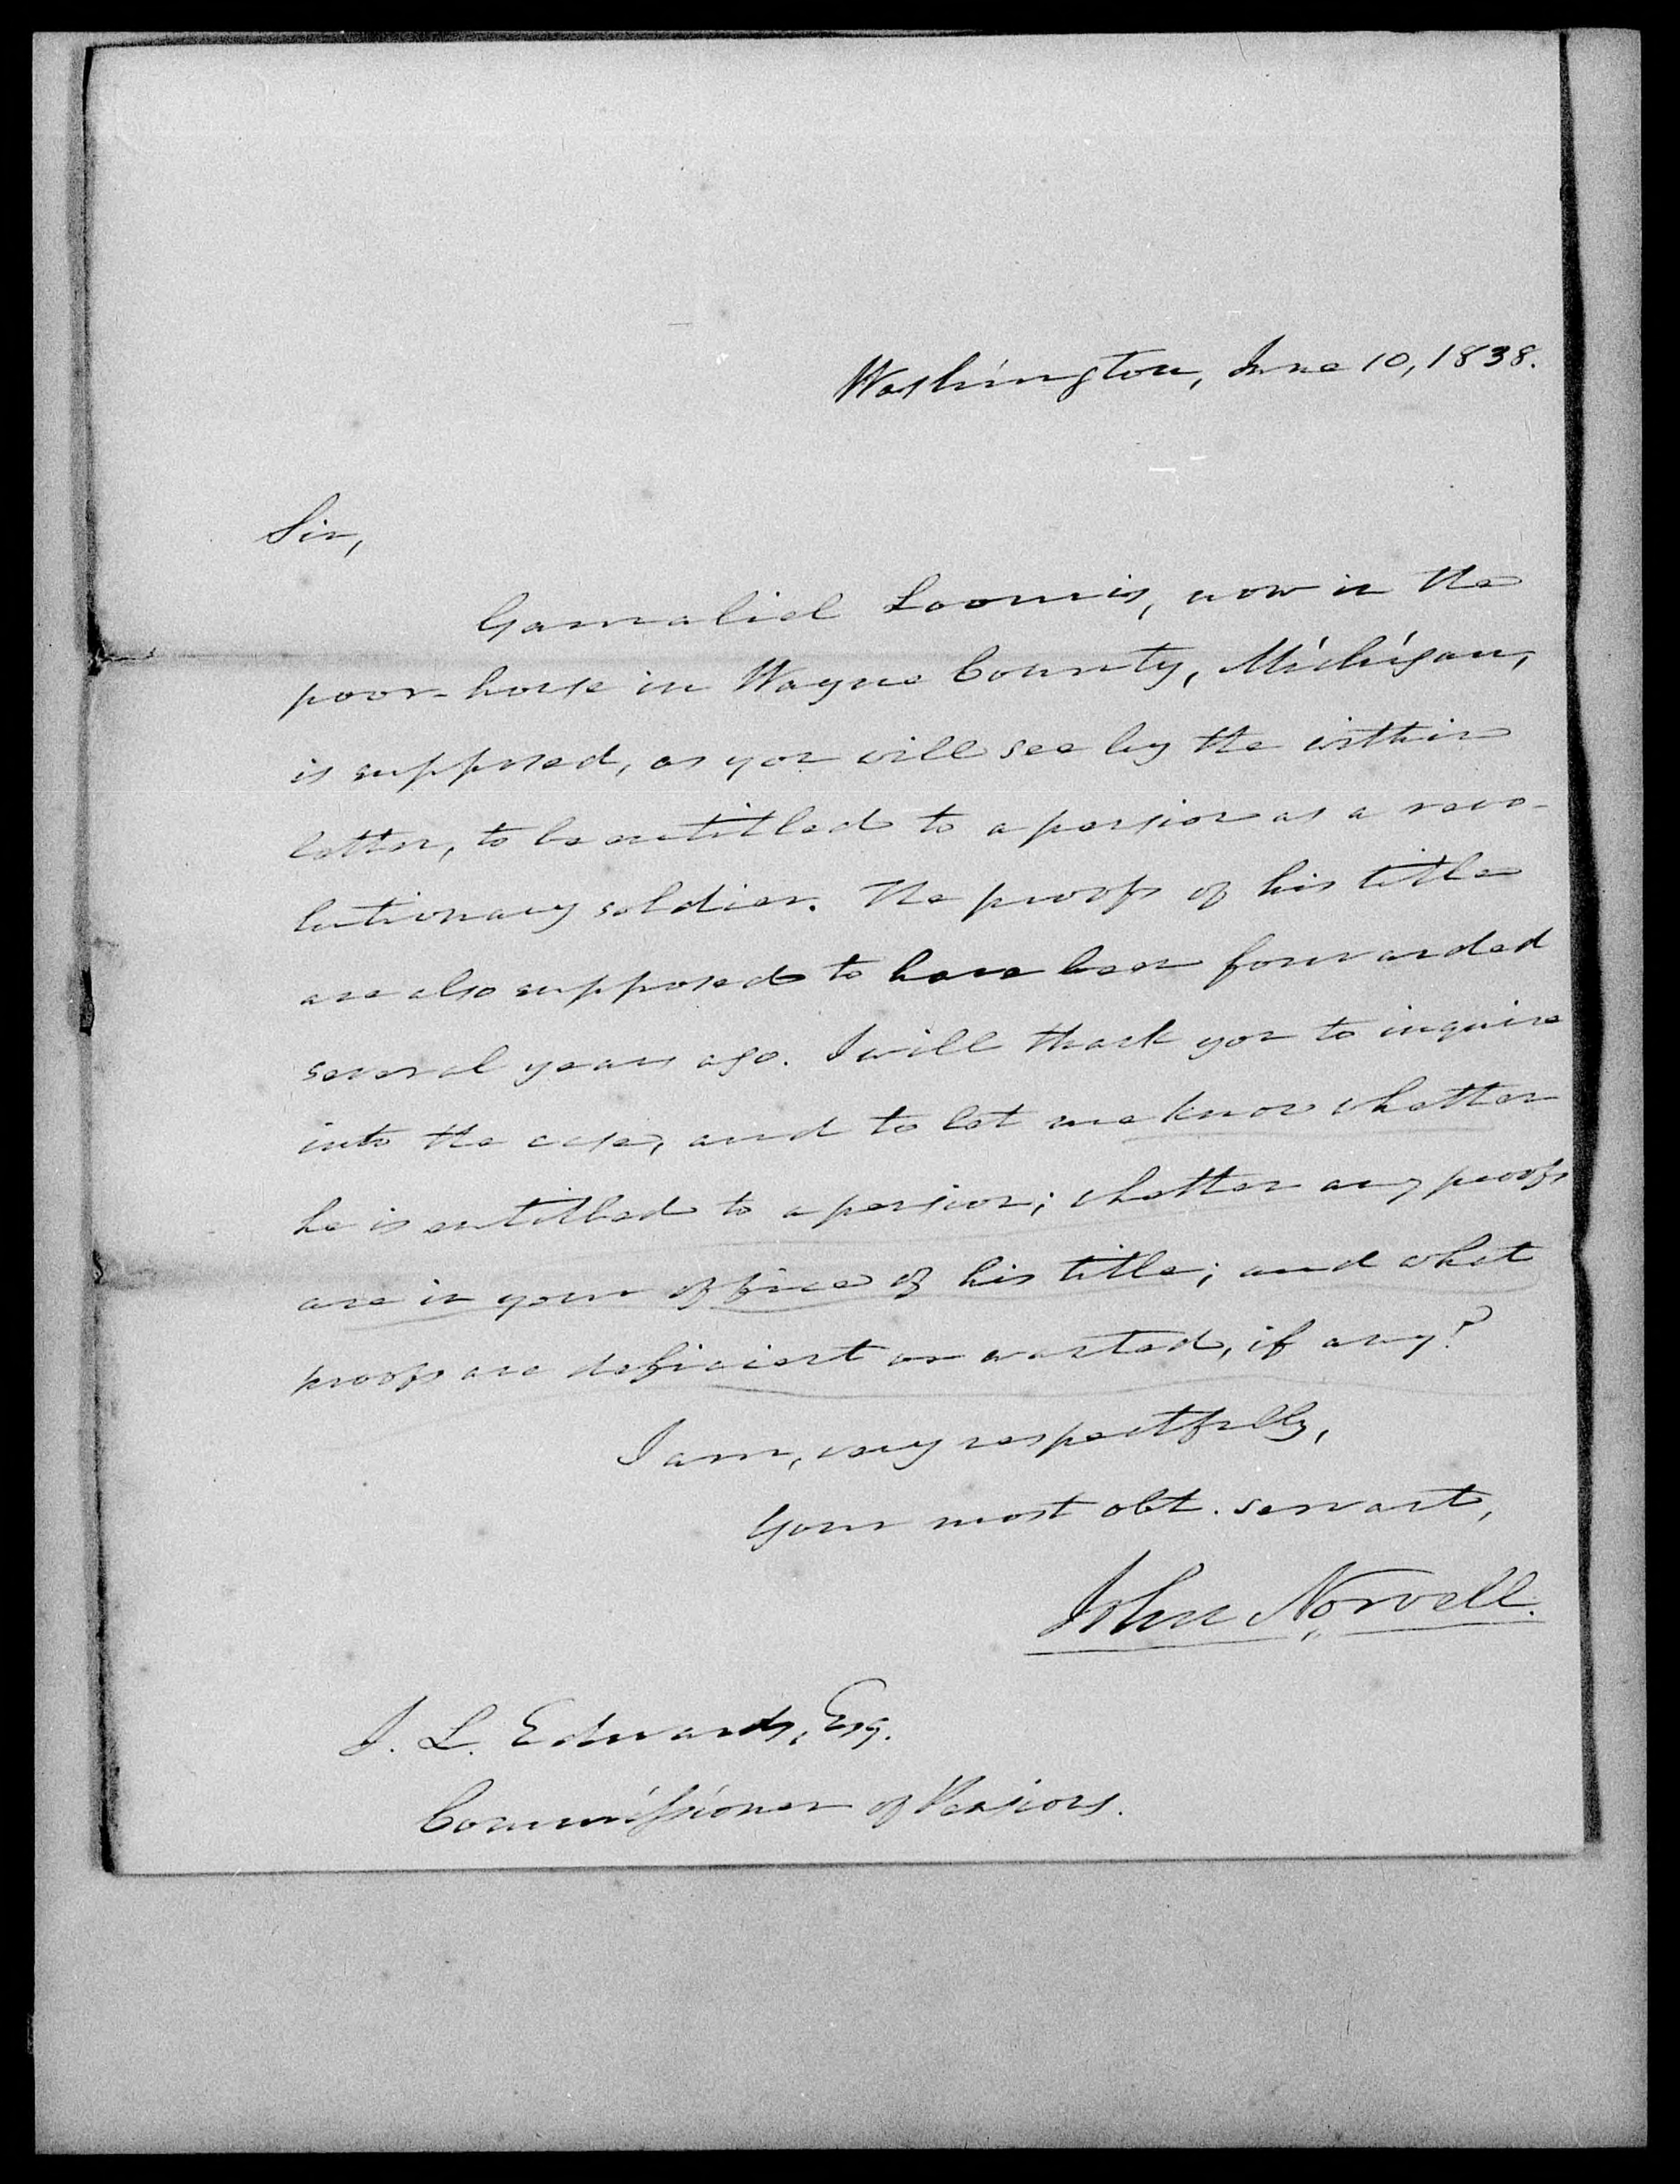Washington, June 10, 1838

Sir,
Gamaliel Loomis, now in the poor house in Wayne County, Michigan, is supposed, as you will see by the within letter, to be entitled to a pension as a revolutionary soldier. No proof of his title are also supposed to have been forwarded several years ago. I will thank you to inquire into the case and to let me know whatever he is entitled to a pension; whether any proofs are in your office of his title; and what proofs are deficient or wanted, if any?
I am, very respectfully,
Your most obt. servant,
John Norvell

J. L. Edwards Esq.
Commissioner of Pensions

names: Gamaliel Loomis; J L Edwards; John Norvell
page: 21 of 21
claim: rejected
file: R. 6444, for Gamaliel Loomis, Connecticut